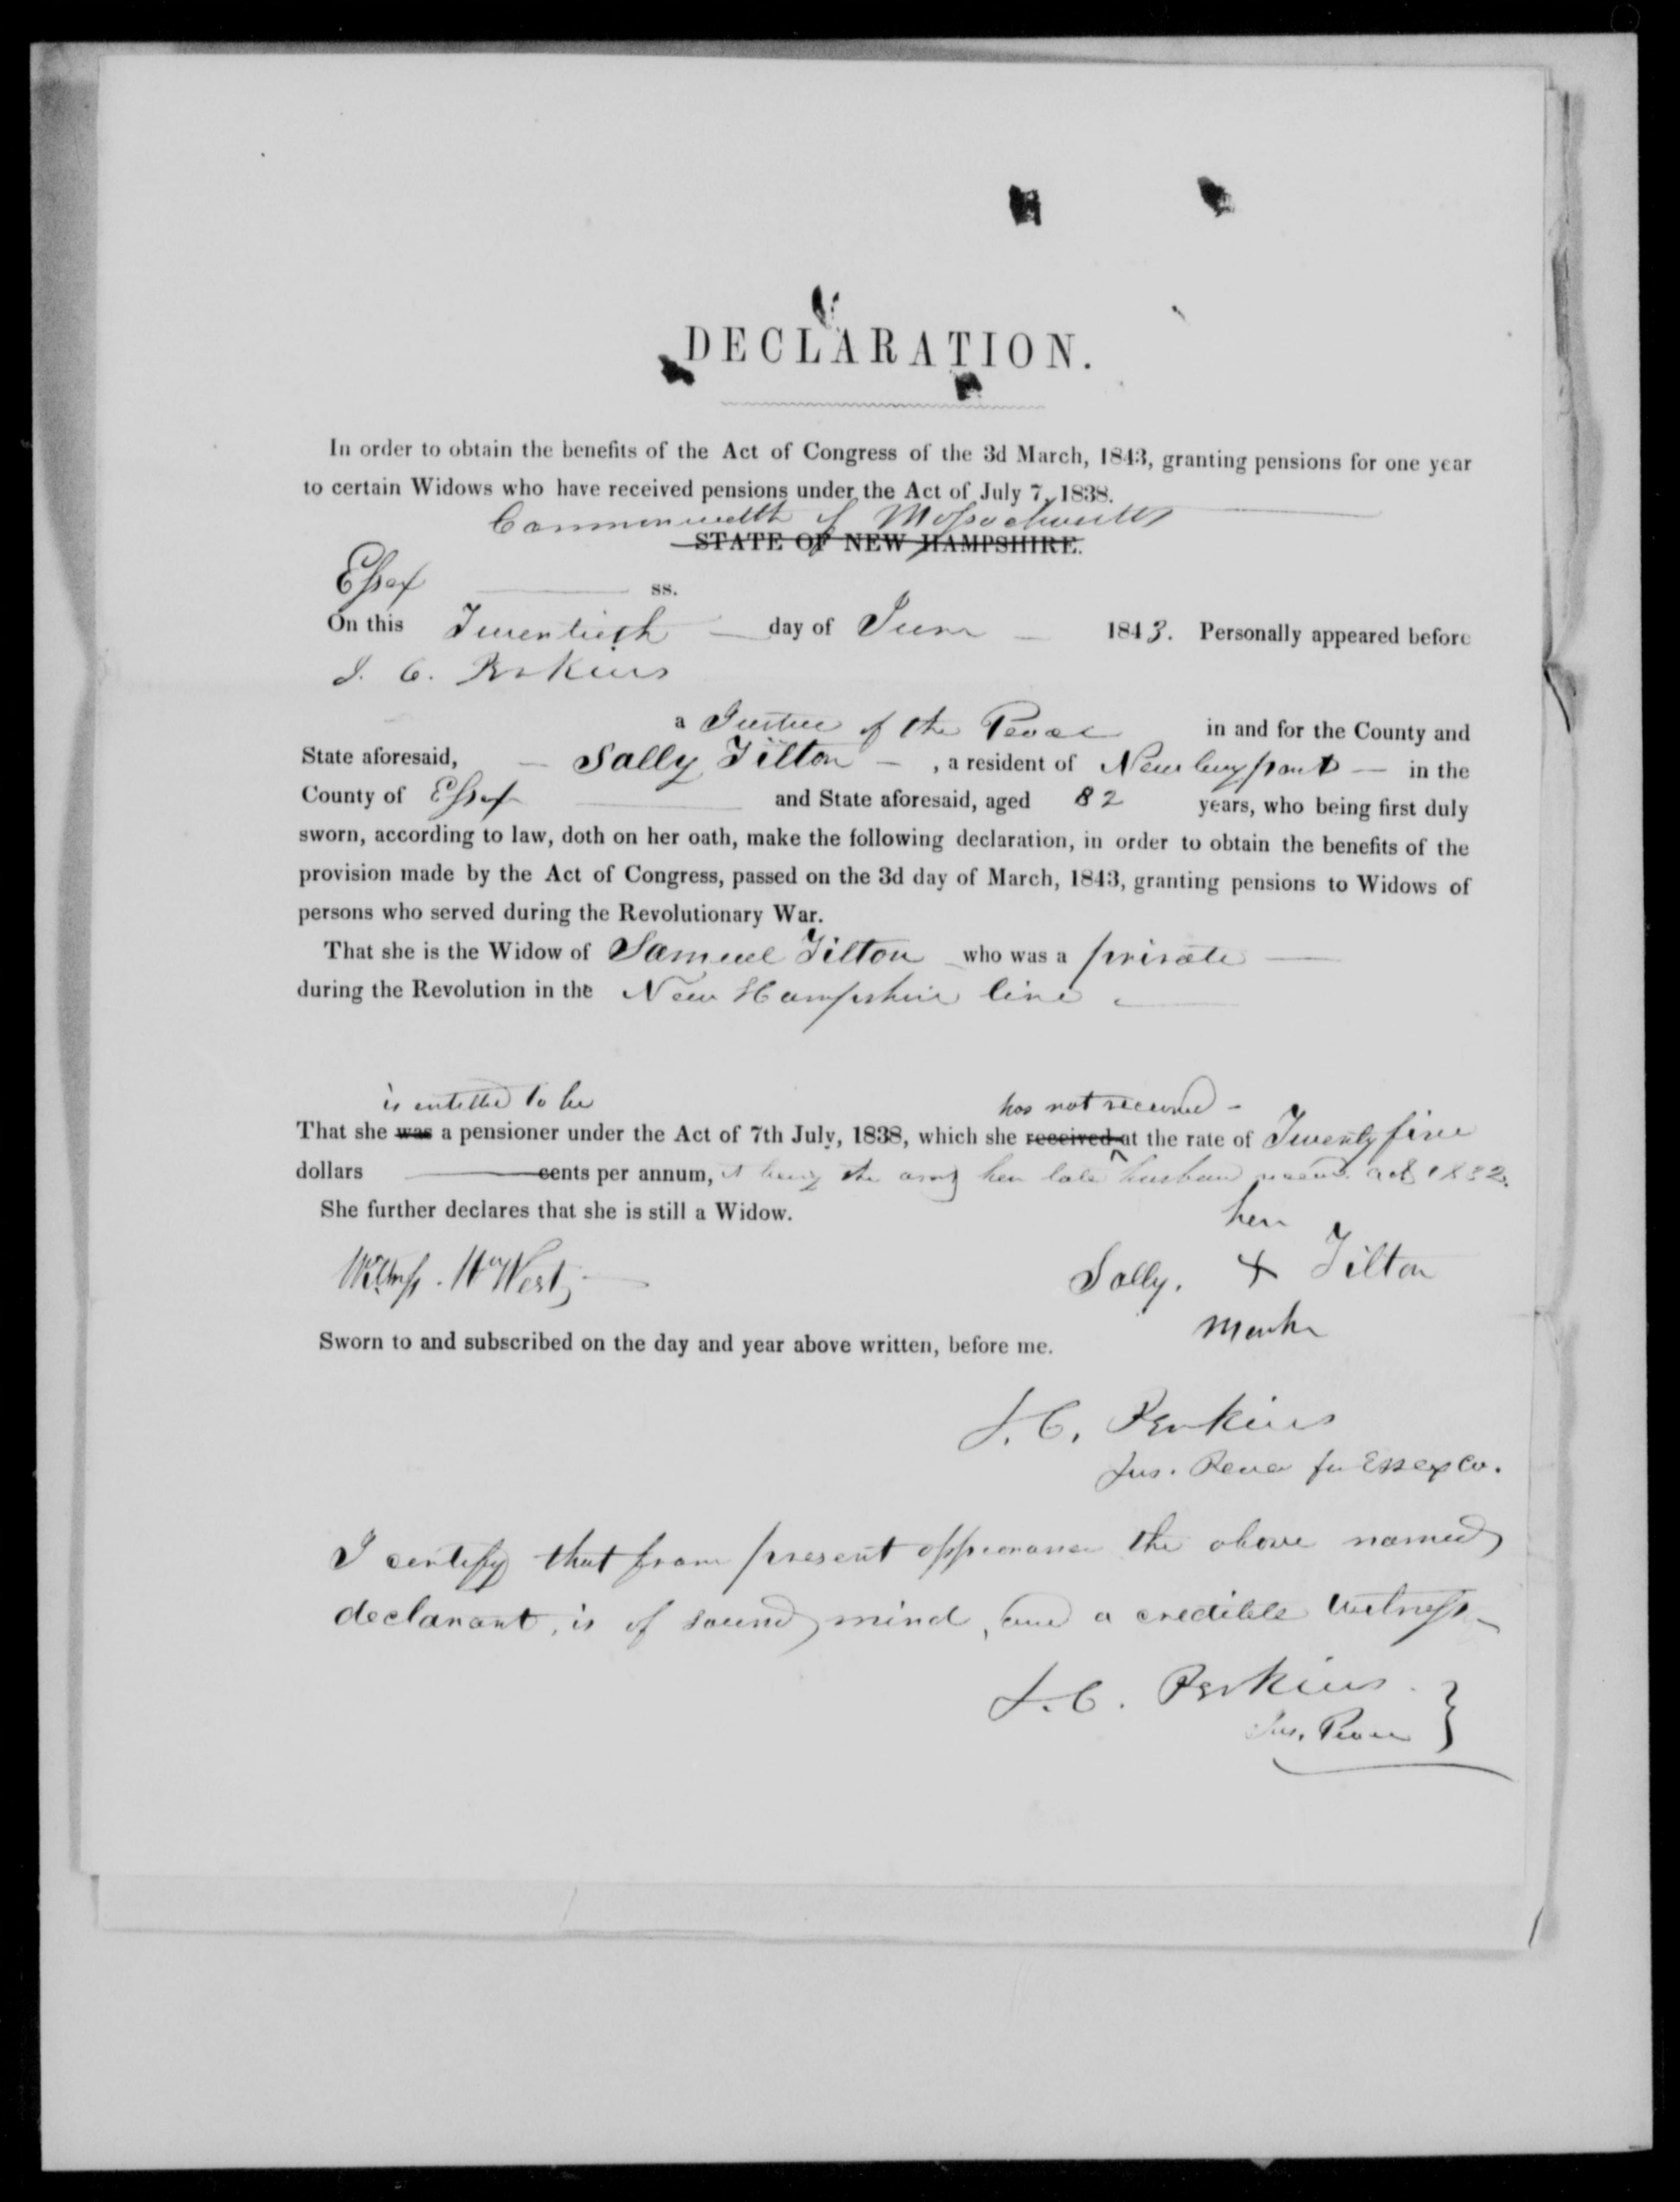DECLARATION.
In order to obtain the benefits of the Act of Congress of the 3d March, 1843, granting pensions for one year to certain Widows who have received pensions under the Act of July 7, 1838.
Commonwealth of Massachusetts
STATE OF NEW HAMPSHIRE. [crossed out]
Essex SS.
On this Twentieth day of June 1843. Personally appeared before
J. C. Perkins a Justice of the Peace in and for the County and State aforesaid, Sally Tilton, a resident of Newburyport in the County of Essex and State aforesaid, aged 82 years, who being first duly
sworn, according to law, doth on her oath, make the following declaration, in order to obtain the benefits of the provision made by the Act of Congress, passed on the 3d day of March, 1843, granting pensions to Widows of persons who served during the Revolutionary War.
That she is the Widow of Samuel Tilton who was a private during the Revolution in the New Hampshire line

That she was [crossed out] is entitled to be a pensioner under the Act of 7th July, 1838, which she received [crossed out] has not received at the rate of Twenty five dollars [blank] cents per annum, it bein the amt [amount] her late husband received Act 1832.
She further declares that she is still a widow.
Sally Tilton her mark x
Witness Wm West
Sworn to and subscribed on the day and year above written, before me.
J. C. Perkins
Jus. Peace for Essex Co.
I certify that from present appearance the above named
declarant, is of sound mind and a credible witness
J.C. Perkins
Jus Peace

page: 40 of 55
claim: widow's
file: W. 14,021, for Samuel Tilton, New Hampshire